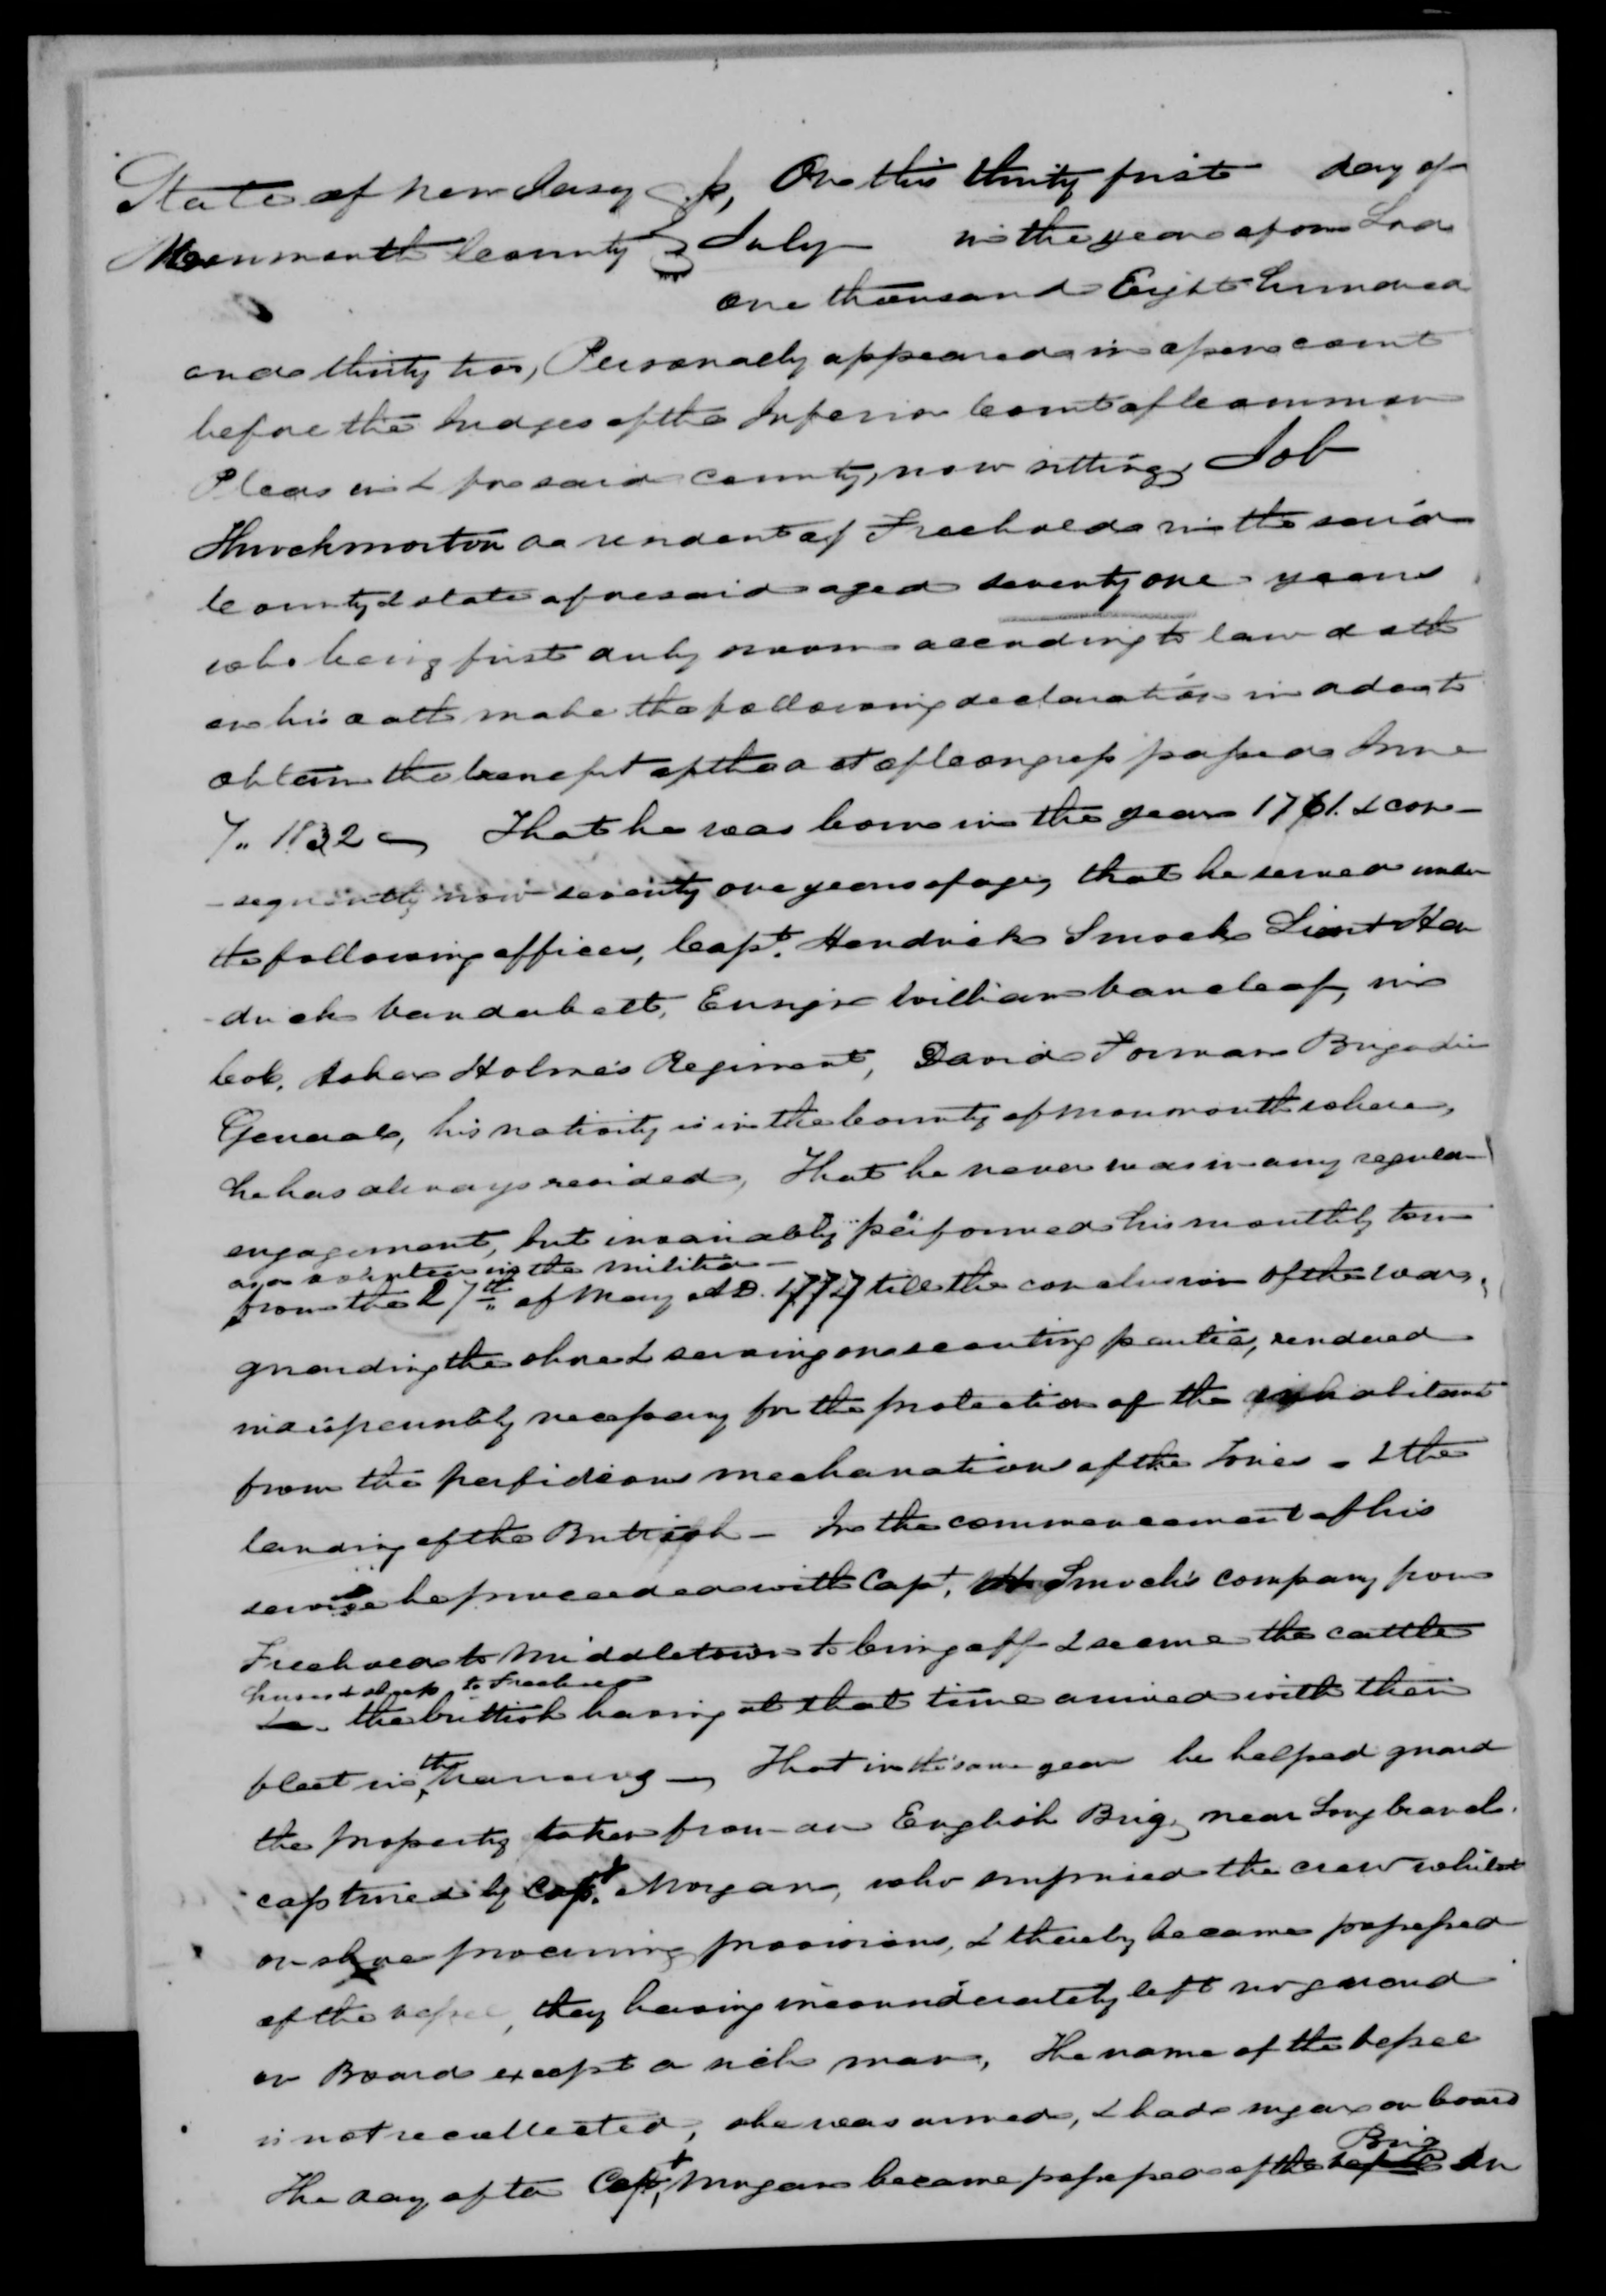State of New Jersey Monmouth County
On this thirty-first day of July in the year of our Lord one thousand eight hundred and thirty two, personally appeared in open court before the Judges of the Inferior Court of Common Pleas in aforesaid county, now sitting Job Throckmorton a resident of Freehold in the said county and state aforesaid aged seventy one years, who being first duly sworn according to law and on his oath make the following declaration in order to obtain the benefit of the  act of congress papered June 7, 1832. that he was born in the year 1761 and consequently now seventy  one years of age that he served under the following officer, capt Hendrick Smock, Lieut Hendricks Vanderbath, Ensign Williams Shanaleaf, in Col. Asher Holme’s Regiment, David Forman Brigadier General, his nativity is in the county of Monmouth where he has always resided. That he never was in any regular engagement,  but [illegible] performed his monthly tours as a volunteer in the militia- from the 27th of May AD 1777 till the conclusion of the war guarding the shore and serving on scouting parties, rendered [illegible] for the protection of the inhabitants from the perfidious machanations of the Tories and the landing of the British. In the commencement of his service he proceeded with Capt. Smock’s company from Freehold to Middletown to bring off 2 [illegible] the cattle, horses, and sheep to Freehold the British having at that time arrived with their fleet in the morning. that in the same year he helped guard the property taken from 
an English Brig, near Longbranch captured by Capt. Morgan, who surprised the crew whilst on shore procuring provisions, I thereby became possessed of the vessel , they having  inconsiderately left no guard on board except a sick man. The name of the [illegible] is not recollected, she was armed, I had [illegible] on board. The day after Capt. Morgan became [illegible] of the Brig. Gen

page: 4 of 14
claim: survivor's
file: S. 764, for Job Throckmorton, New Jersey